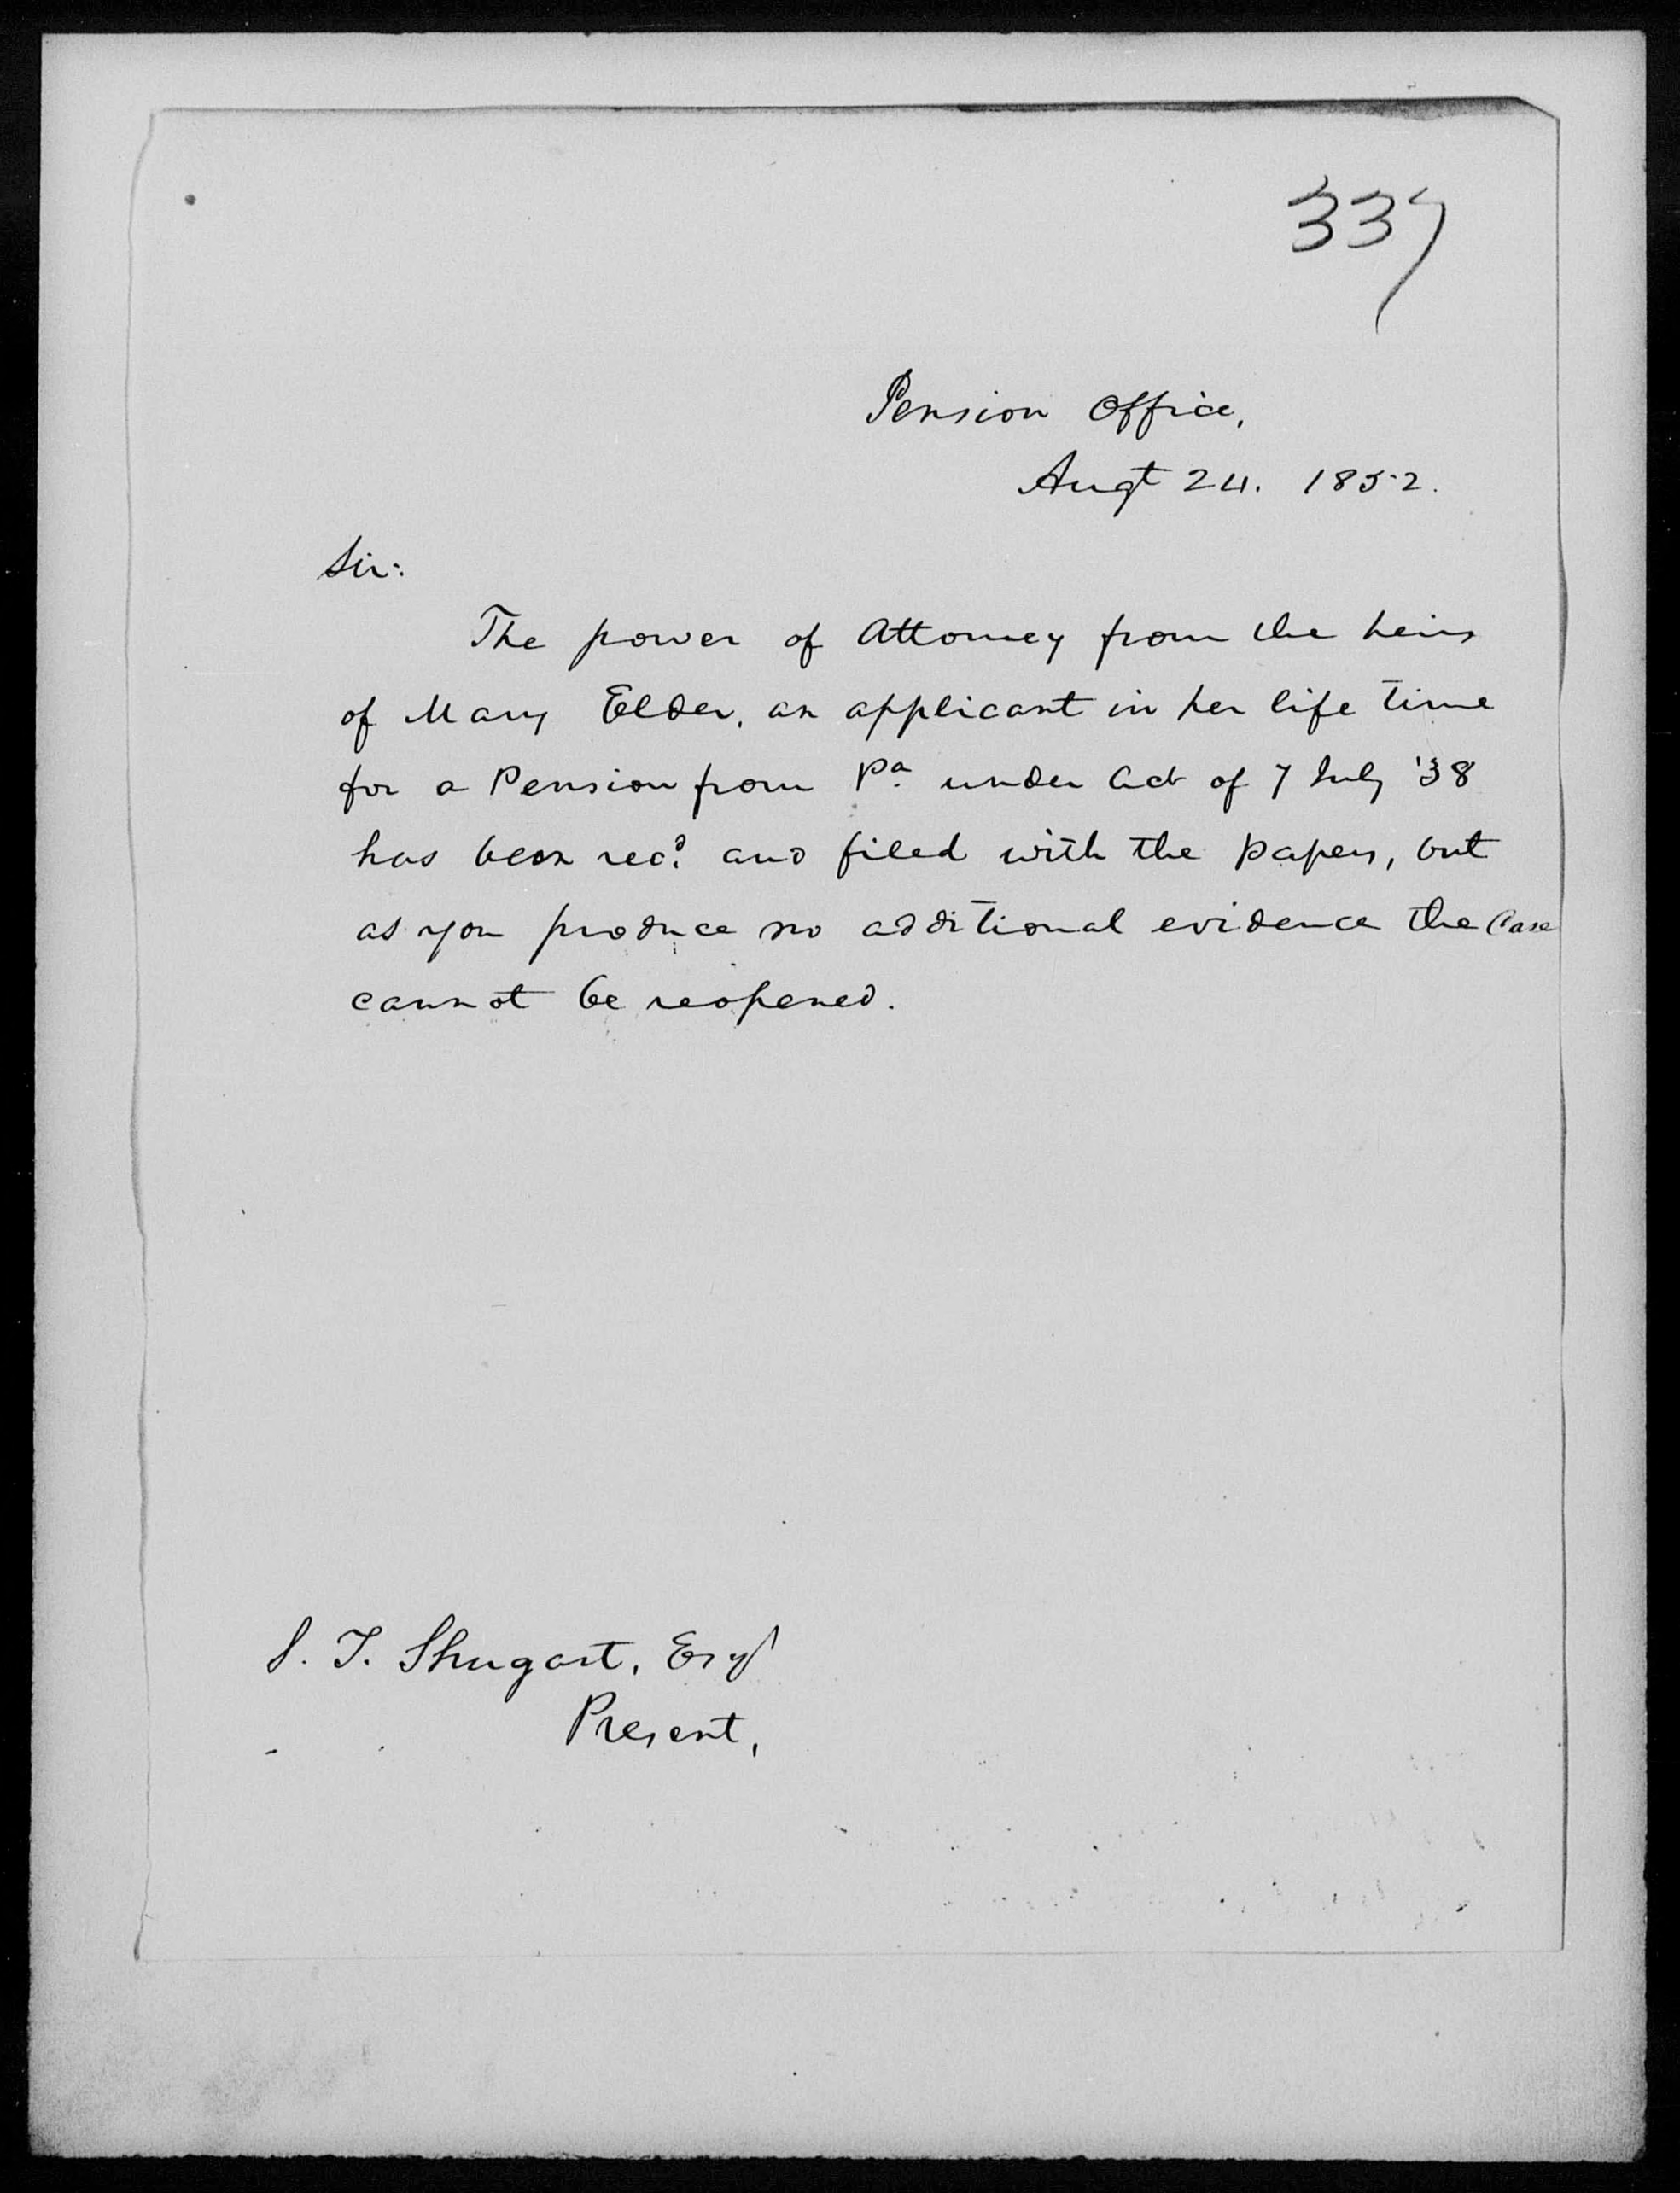Pension Office
August 24, 1852

Sir: 
The power of Attorney from the heirs of Mary Elder, an applicant in her life time for a Pension from PA under act of 7 July '38 has been rec'd and filed with the papers, but as you produce no additional evidence the case cannot be reopened. 

S.T.Shugart, Esq
Present,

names: S T Shugart, Mary Elder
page: 41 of 80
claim: widow's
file: W. 24117, John Elder, Penn.